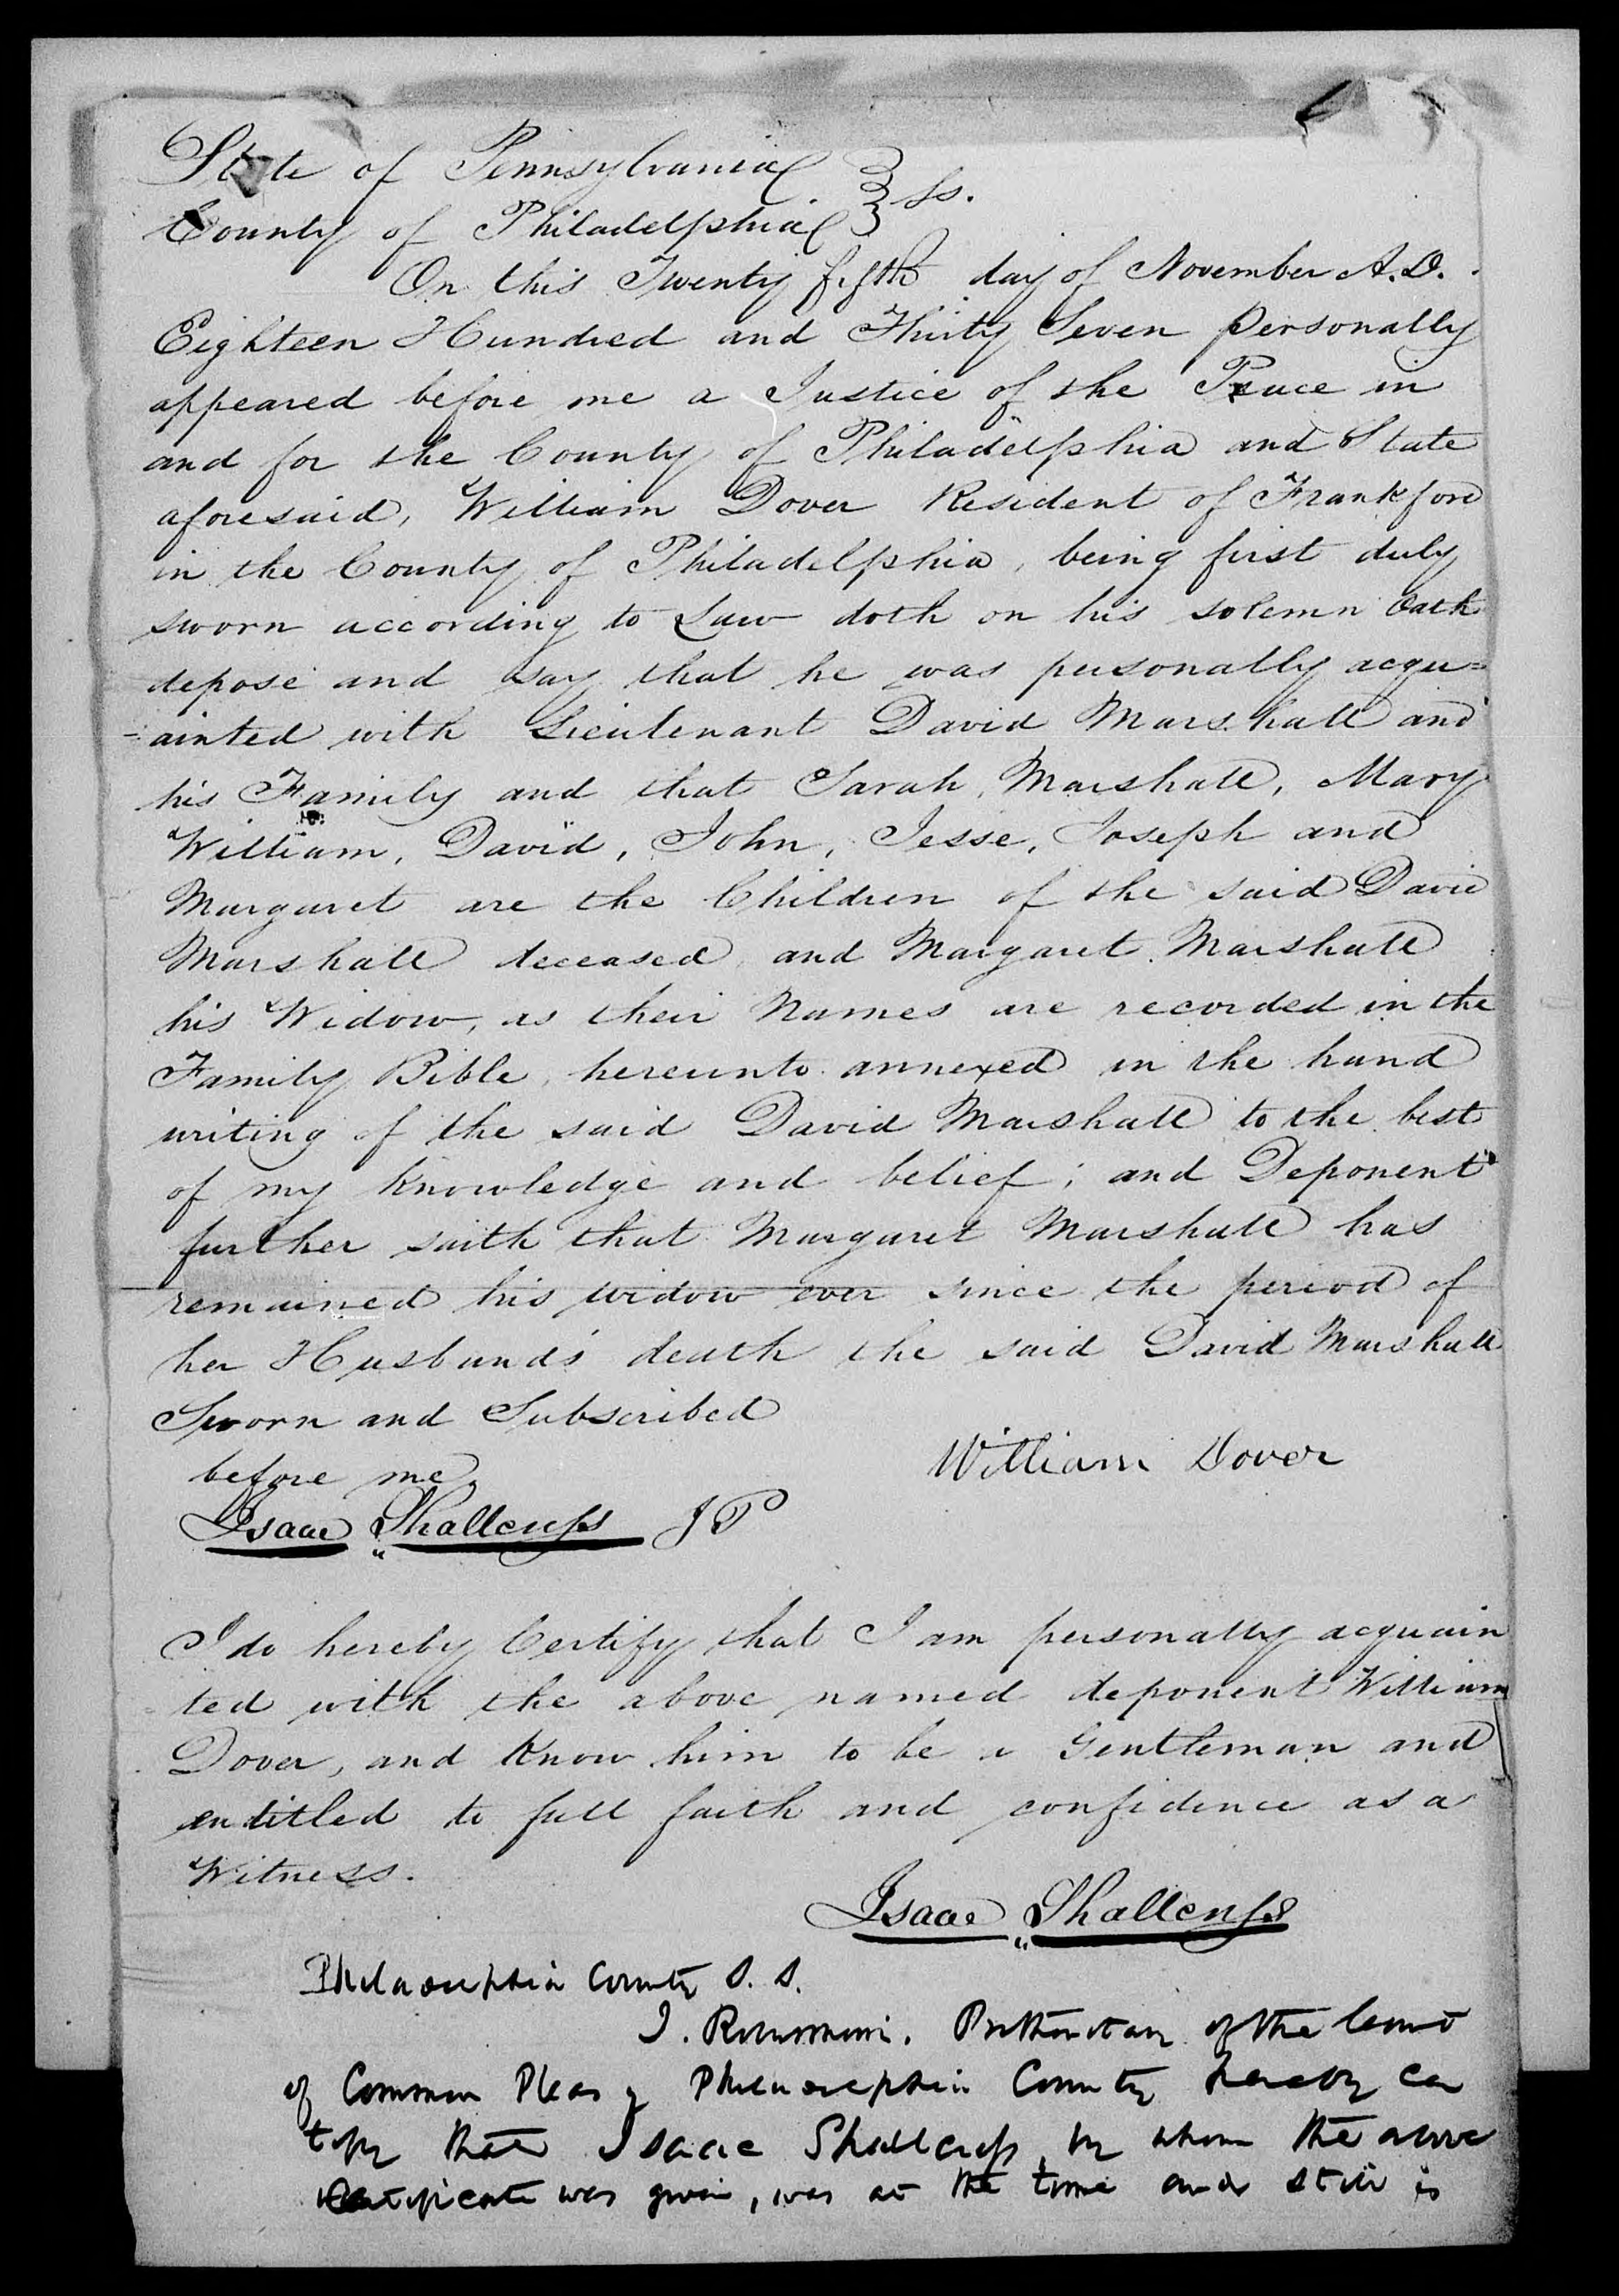State of Pennsylvania 
County of Philadelphia

On this Twenty fifth day of November A.D. Eighteen Hundred and Thirty Seven personally appeared before me a Justice of the Peace in and for the County of Philadelphia and State aforesaid, William Dover Resident of Frankford in the County of Philadelphia, being first duly sworn according to Law both on his solemn oath depose and say that he was personally acquainted with Lieutenant David Marshall and his Family and that Sarah, Marshall, Mary, William, David, John, Jesse, Joseph and Margaret are the Children of the said David Marshall deceased and Margaret Marshall his Widow, as their names are recorded in the Family Bible, hereunto annexed in the hand writing of the said David Marshall to the best of my knowledge and belief; and Deponent further saith tht Margaret Marshall has remained his widow ever since the period of her Husband's death the said David Marshall.

William Dover [signature]

Sworn and Subscribed before me
Isaac Shallenss JP

I do hereby certify that I am personally acquainted with the above named deponent William Dover and know him to be a Gentleman and entitled to full faith and confidence as a witness.

Isaac Shallenss

Philadelphia County
I Robert Morris Prothonotary of the Court of Common Pleas of Philadelphia County hereby certify that Isaac Shalleness in whom the above  certificate was given was at the time and still is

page: 42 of 86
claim: widow's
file: W. 3571, for David Marshall, Pennsylvania